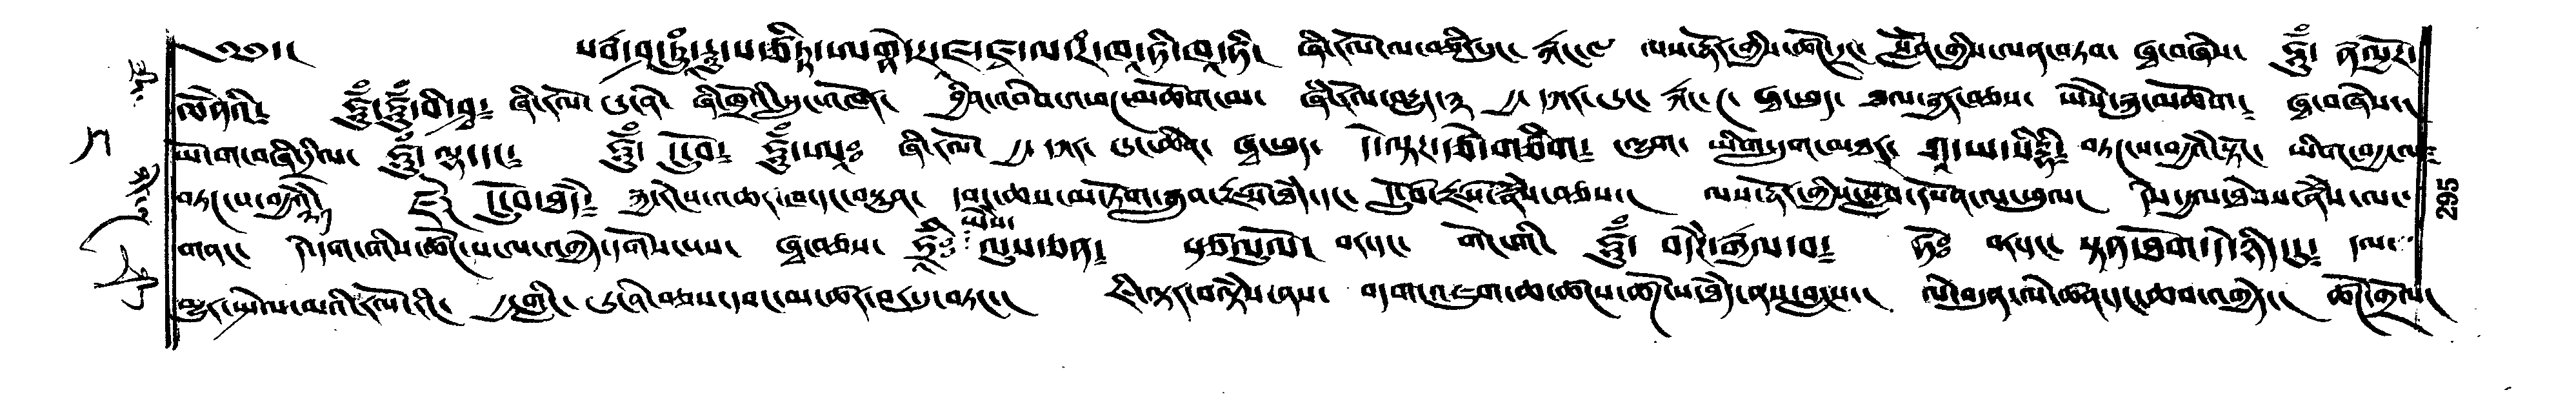སརྦ་ཤ་ཏྲུཾ་རཱུ་པ་ཙིཏྟ་ཨགྣེ་རཱ་ཛ་ཛྭ་ལ་རཾ་ཁཱ་ཧི་ཁཱ་ཧི། ཞི་རོལ་ལ་བཙིར་རྡུང་། རྐང་བཞི། ལས་རྡོར་གྱིས་ཚོགས་དྲང་། སློབ་དཔོན་གྱི་ལན་གདབ།ཞྭ་བཞེས། ཧཱུྃ། རྣལ་འབྱོར་
ཆེན་པོའི༴ ཧཱུྃ་ཧཱུྃ་བི་ཤྭ༴ ཞི་རོལ། དུང་། ཞི་ཁྲོའི་སྲུང་འཁོར། བྱིན་འབེབས་འཕགས་མཆོག་མ། ཞི་རོལ་བརྒྱུད་གསུམ། རྒྱ། དཀར། དུང་། རྐང་། ཌཱ། ཞྭ་ཕུད་ཐལ་སྦྱར་བཅས། ཡེ་ཤེས་སྐུ་མཆོག༴ ཞྭ་བཞེས། 
ཡོ་ག་བཞི་དྲིལ། ཧཱུྃ། ལྷ་དང༴ ཧཱུྃ། དངོས་གྲུབ༴ ཧཱུྃ་ཨཱཿ ཞི་རོལ། རྒྱ། དཀར། དུང་ཆེན། ཞྭ་ཕུད། དེ་ལྟར་རྩེ་གཅིག༴ ལྷུག ཡིག་དྲུག་མཐར། ཀཱ་ཡ་སིདྡྷི༴ བཏགས་པ་བརྒྱའམ་སྟོང་། ཡིག་བརྒྱ་ལ་
བཏགས་པ་བརྒྱའམ་ཉེར་གཅིག དངོས་གྲུབ་ཐམས་ཅད༴ སྐྱ་རེངས་འཆར་ཁ་དང་བསྟུན། དབང་ཆས་མ་གཏོགས་སྒྲུབ་རྫས་ཐམས་ཅད་དང་དངོས་གྲུབ་རྫས་རྣམས་བཅས་ལས་རྡོར་གྱིས་སློབ་དཔོན་ལ་ཕུལ། དེས་རྒྱལ་ཐེབས་རྣམས་ལ་
གནང་། དེ་དག་གིས་ཚོགས་པ་ལ་འགྱེད་དགོས་པས། ཞྭ་བཅས། ཧྲཱིཿ ཡེ་ཤེས་ལུས་ཅན༴ བསྩལ་དུ་གསོལ། བར་དང་། གོང་ག ི ཧཱུྃ། བདེ་གཤེགས་རྒྱལ་བ༴ ཧོཿ བར་དང་། སྟན་ཐོག་དེ་ཉིད་དུ༴ དལ་
མྱུར་སྤེལ་མའི་རོལ་རིང་། རྒྱ་གླིང་། དུང་ཆེན་བཅས་དབང་མ་ཚར་བར་དུ་གཏང་། ཇི་ལྟར་བལྟམས༴ ནས་བདག་འཇུག་ཆ་ཚང་ཚོགས་པ་ཐམས་ཅད་ནས་བླང་། ལེའུ་བདུན་ལེ་ཚན་དང་ཆབ་འགྱེད། ཚོགས་གྲོལ།